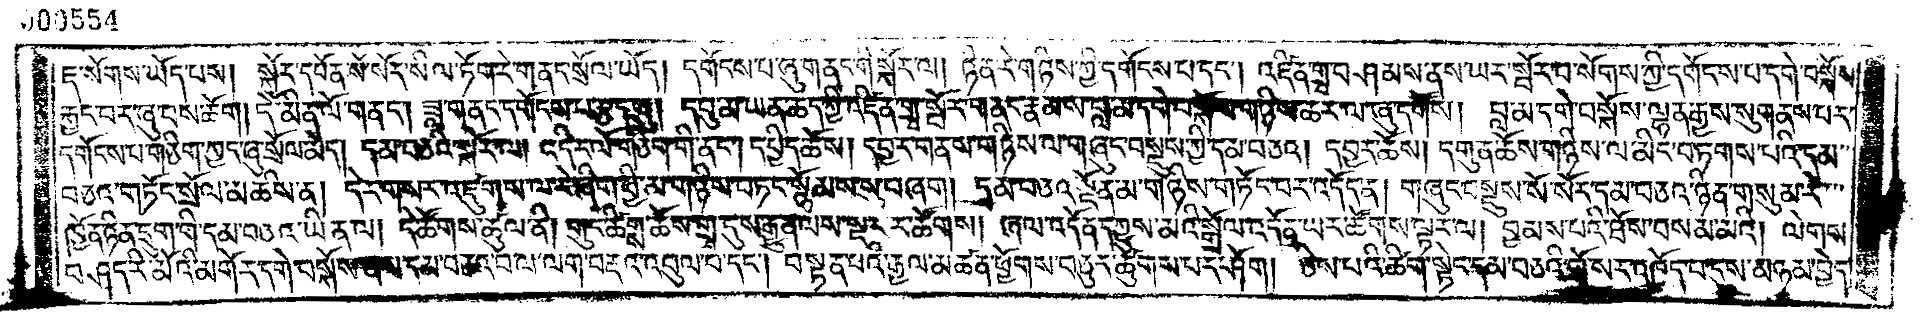ཇ་སོགས་ཡོད་པས། སྐྱོར་དཔོན་སོ་སོར་སིལ་ཏོག་རེ་གནང་སྲོལ་ཡོད། དགོངས་པ་ཞུ་གནང་གི་སྐོར་ལ། ཉིན་རེ་གཉིས་ཀྱི་དགོངས་པ་དང་། འཛིན་གྲྭ་བཤམས་ནས་ཡར་སྦོར་བ་སོགས་ཀྱི་དགོངས་པ་དགེ་བསྐོས་
རྐྱང་བར་ཞུ་བས་ཆོག །དེ་མིན་ལོ་གནང་། ཟླ་གནང་དགོངས་པ་རྩད་ཞུ། དབུ་མ་ཡན་ཆད་ཀྱི་འཛིན་གྲྭ་སྦོར་གནང་རྣམས་བླ་མ་དགེ་བསྐོས་གཉིས་ཆར་ལ་ཞུ་དགོས། བླ་མ་དགེ་བསྐོས་ལྷན་རྒྱས་སུ་གནས་པར་
དགོངས་པ་གཅིག་ཀྱང་ཞུ་སྲོལ་མེད། དམ་བཅའི་སྐོར་ལ། འདིར་ལོ་གཅིག་གི་ནང་། དཔྱིད་ཆོས། དབྱར་གནས་གཉིས་ལ་གཞུང་བསྡུས་ཀྱི་དམ་བཅའ། དབྱར་ཆོས། དགུན་ཆོས་གཉིས་ལ་མིང་བཏགས་པའི་དམ་
བཅའ་གཏོང་སྲོལ་མཆིས་ན། དེར་གསར་འཛུགས་ལ་རེ་ཞིག་ཕྱི་མ་གཉིས་བཏང་སྙོམས་སུ་བཞག །དམ་བཅའ་སྔོན་མ་གཉིས་གཏོང་བར་འདོད་ན། གཞུང་བསྡུས་སོ་སོར་དམ་བཅའ་ཉིན་གསུམ་རེ་
ཁྱོན་ཉིན་དྲུག་གི་དམ་བཅའ་ཡིན་ལ། དེ་ཚོགས་ཚུལ་ནི། གུང་ཚིགས་ཆོས་གྲྭ་དུས་རྒྱུན་ལས་སྔ་བར་ཚོགས། ཞལ་འདོན་དཀྱུས་མའི་སྒྲོལ་འདོན་ཡར་ཚོགས་ལྟར་ལ། བྱམས་པའི་ཐོས་བསམ་མའི། ལེགས་
བཤད་རི་མོའི་མགོར་དགེ་བསྐོས་ནས་དམ་བཅའ་བ་ལ་ལག་བརྡའ་འབུལ་བ་དང་། བསྟན་པའི་རྒྱལ་མཚན་ཕྱོགས་བཅུར་ཚུགས་པར་ཤོག །ཅེས་པའི་ཚིག་སྟེང་དམ་བཅའི་གོ་སར་འཁོད་པ་དུས་མཉམ་བྱེད་